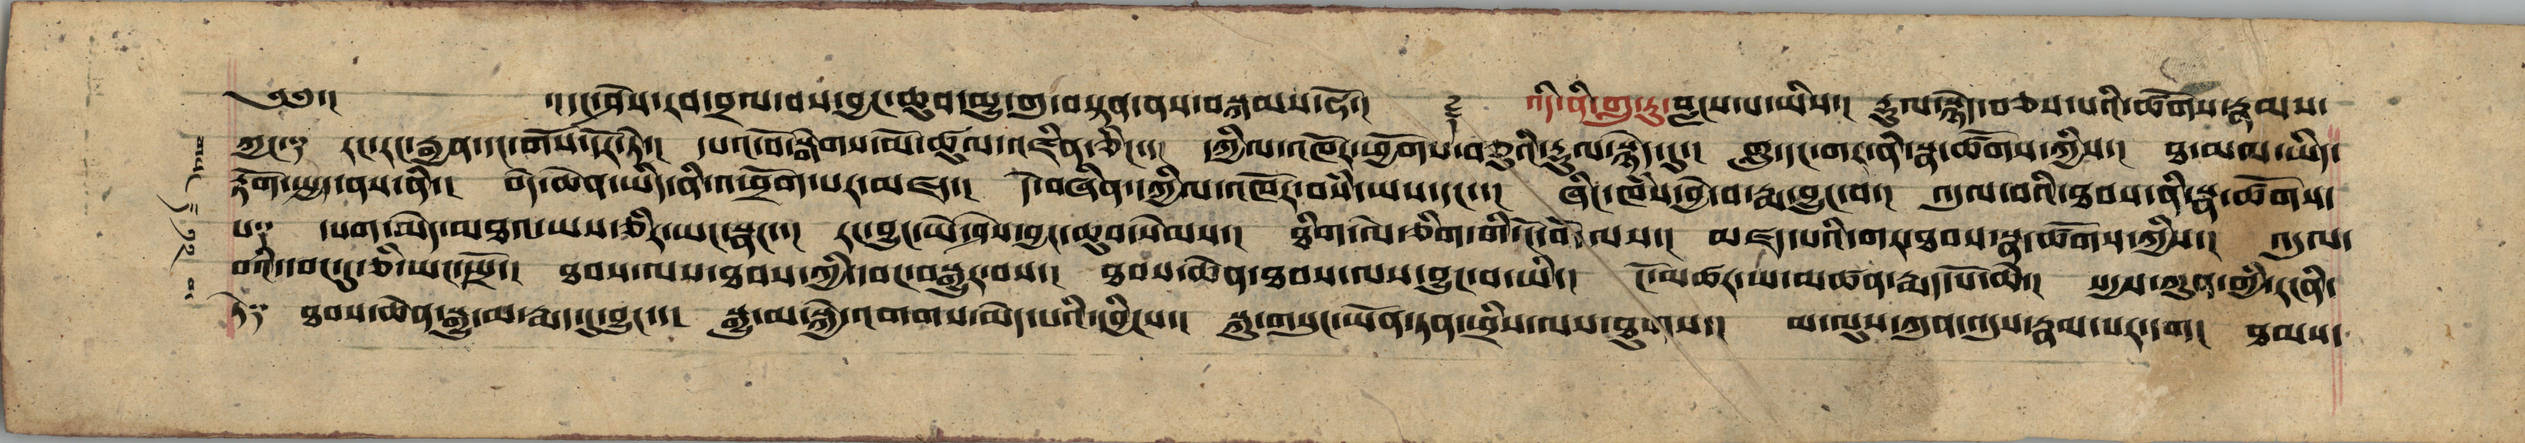༄༅་། ་།དང་ཤེས་རབ་བྲལ་བས་བྱང་ཆུབ་མྱུ་གུ་བསྟན་ནས་བསྐམས་ཧོ་། ࿑ འདི་ནི་གླུ་རུ་བླངས་པ་ཡིས་། རྡུལ་སྙེད་བཅས་པའི་ཚོགས་རྣམས་
ཀྱང་༑ རང་རང་རྒྱན་དང་གོས་དོར་ཏེ་། དཔའ་པོ་སྒེགས་མོ་ཚུལ་འཛིན་ཅིང་་། དཀྱིལ་འཁོར་ཕྱོགས་བཅུའི་རྡུལ་སྙེད་དུ་། གླུ་དང་གར་ནི་སྣ་ཚོགས་ཀྱིས་། ཐ་མལ་ཡིད་
རྟོག་སྤྱད་ནས་ནི་། བདེ་ཆེན་ཡིད་ནི་འཕྲོག་པར་མཛད་། དེ་བཞིན་དཀྱིལ་འཁོར་བསཾ་ཡས་དང་་། ཞིང་ཁཾས་བྱེ་བ་རྨ་བྱུང་བ་། འདུལ་བའི་ཐབས་ནི་སྣ་ཚོགས་
པ༑ དཔག་མེད་མཐའ་ཡས་ཅིར་ཡང་སྣང་་། རང་བྱུང་ཡེ་ཤེས་བྱང་ཆུབ་སེམས་། ཐིག་ལེ་ཅིག་གི་ངོ་བོ་ལས་། མཛད་པའི་གར་ཐབས་སྣ་ཚོགས་ཀྱིས་། འདུལ་
པའི་དབང་དུ་ཅི་ཡང་སྤྲོ་། ཐབས་ལས་ཐབས་ཀྱི་དབང་བསྒྱུར་བས་། ཐབས་ཆེན་ཐབས་ལས་བྱུང་བ་ཡི་། ངོ་མཚར་ཡ་མཚན་རྨད་པོ་ཆེ་། སདྱས་ཀུན་གྱི་རངིན་
ཏེ༑ ཐབས་ཆེན་སྒྱུ་མ་རྨད་དུ་བྱུང་་། སྒྱུ་མ་སྐྱེ་འགགས་མེད་པའི་དབྱིངས་། སྐུ་གསུང་ཡོན་ཏན་ཕྲིས་ལས་ཐུགས་། མ་ལུས་ཀུན་འདུས་རྣམ་པར་དག། ཐམས་